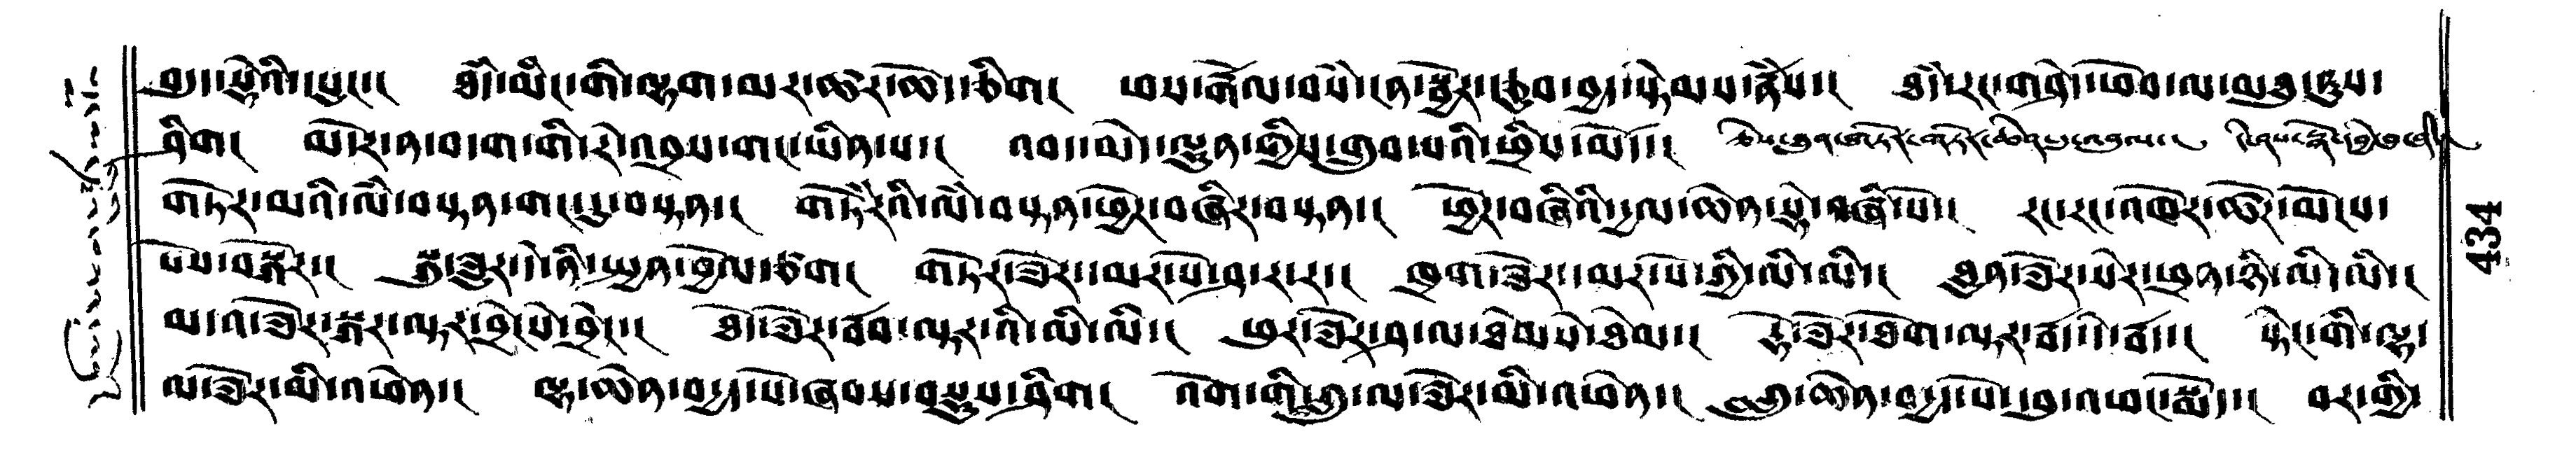བདུད་སྡེའི་དཔུང་། །ཐམས་ཅད་མིང་གི་ལྷག་མར་ཚར་ཆོད་ཅིག །ཕས་རྒོལ་བསམ་ངན་སྦྱོར་རྩུབ་བྱད་སྟེམས་རྣམས། །ཐམས་ཅད་རང་གཤེད་ཕོབ་ལ་མཐུ་ནུས་
ཤིགས། །མདོར་ན་བདག་གི་རེ་འབྲས་གང་ཡིན་པ། །འབད་མེད་ལྷུན་གྱིས་འགྲུབ་པའི་ཕྲིན་ལས་མཛོད། །ཅེས་ཐུན་གཏོར་གཏོར་ཆེན་དུ་འབུལ། དེ་ནས་སྒོ་དབྱེ་བ་ནི། 
གཏོར་མའི་ལམ་བསྟན་གང་དུ་བསྟན། །གཏོར་མའི་ལམ་བསྟན་ཕྱོགས་བཞིར་བསྟན། །ཕྱོགས་བཞིའི་རྒྱལ་ཆེན་སྡེ་བཞི་པོ། །རང་རང་འཁོར་ཚོགས་མང་
པོས་བསྐོར། །སྐུ་ཟུར་དེ་ནི་སྤྱན་བྱོལ་ཅིག །གཏོར་ཟོར་དམར་པོ་ཤ་ར་ར། །ཁྲག་ཟོར་དམར་པོ་ཀྱི་ལི་ལི། །ཐུན་ཟོར་སེར་ཕྲན་ཉི་ལི་ལི། །
མདའ་ཟོར་སྐར་ལྟར་བྲེངས་སེ་བྲེང་། །ཐོད་ཟོར་རྦབ་ལྟར་འདྲིལ་ལི་ལི། །ཕུར་ཟོར་ཤ་ལ་ཐེམས་སེ་ཐེམ། །རྡོ་ཟོར་ཐོག་ལྟར་རྦད་དེ་རྦད། །སྟེང་གི་ལྷ་
ལ་ཟོར་མི་འཕེན། །ལྷ་ཆེན་བརྒྱད་པོ་ཞབས་སྡུས་ཤིག །འོག་གི་ཀླུ་ལ་ཟོར་མི་འཕེན། །ཀླུ་ཆེན་བརྒྱད་པོ་དབུ་འཕང་སྨོད། །བར་གྱི་